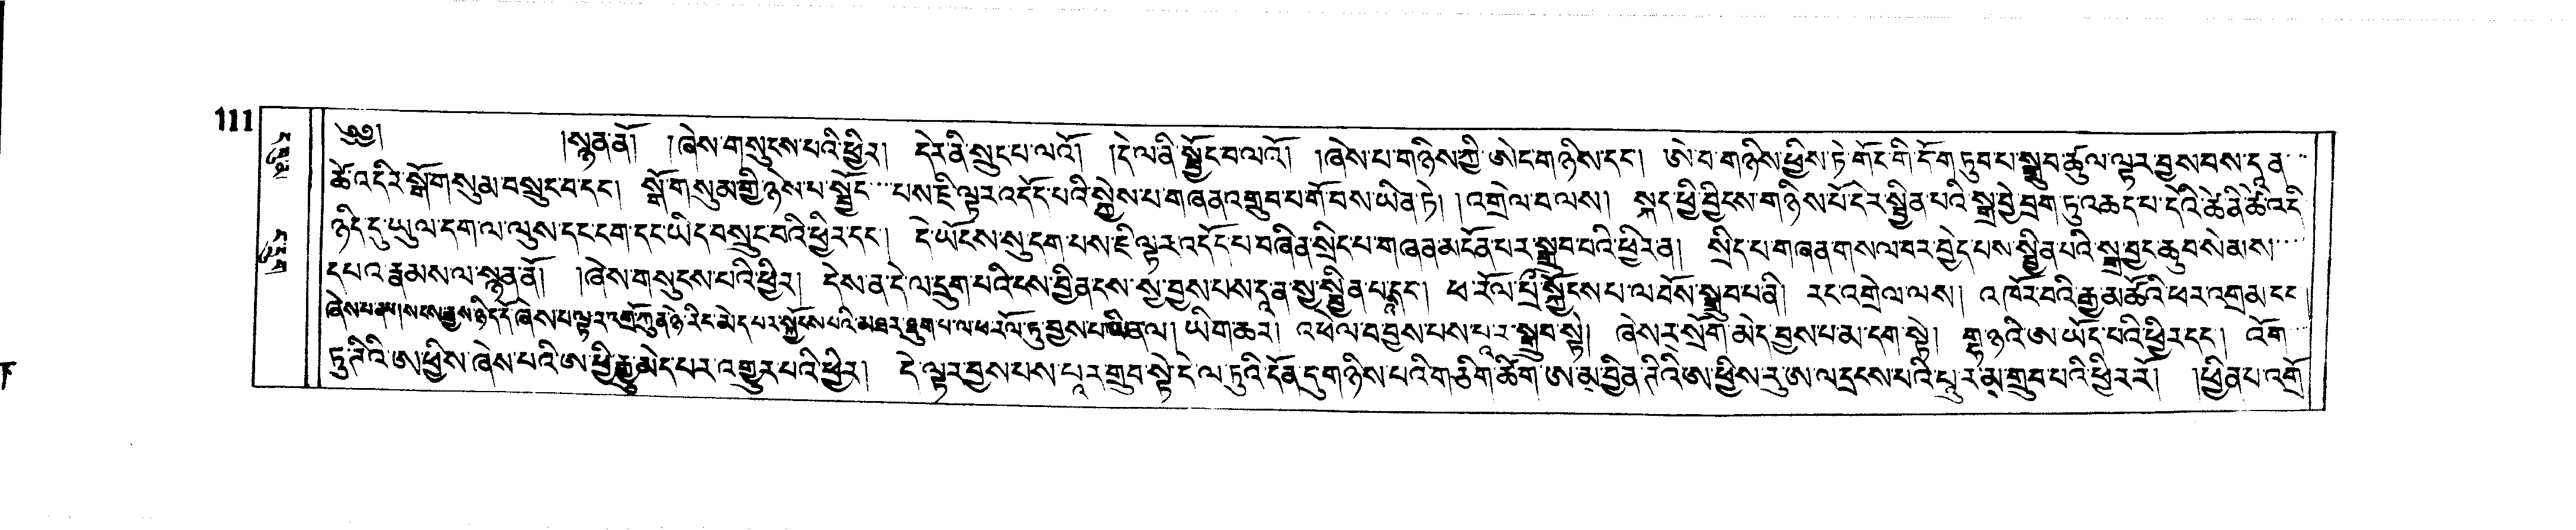༄༅། །སྙན་ནོ། །ཞེས་གསུངས་པའི་ཕྱིར། དེར་ནི་སྲུང་པ་ལའོ། །དེ་ལ་ནི་སྦྱོང་བ་ལའོ། །ཞེས་པ་གཉིས་ཀྱི་ཨེང་གཉིས་དང་། ཨེ་བ་གཉིས་ཕྱིས་ཏེ་གོང་གི་དོ་གཏུབ་པ་སྒྲུབ་ཚུལ་ལྟར་བྱས་པས་དཱ་ན་
ཚེ་འདིར་སྒོ་གསུམ་བསྲུང་བ་དང་། སྒོ་གསུམ་གྱི་ཉེས་པ་སྦྱོང་པས་ཇི་ལྟར་འདོད་པའི་སྐྱེས་པ་གཞན་འགྲུབ་པ་གོ་བས་ཡིན་ཏེ། །འགྲེལ་བ་ལས། སྐད་ཕྱི་བྱིངས་གཉིས་པོ་དེར་སྦྱིན་པའི་སྒྲ་བྱེ་བྲག་ཏུ་འཆད་པ་དེའི་ཚེ་ནི་ཚེ་འདི་
ཉིད་དུ་ཡུལ་དག་ལ་ལུས་དང་ངག་དང་ཡིད་བསྲུང་བའི་ཕྱིར་དང་། དེ་ཡོངས་སུ་དག་པས་ཇི་ལྟར་འདོད་པ་བཞིན་སྲིད་པ་གཞན་མངོན་པར་སྒྲུབ་པའི་ཕྱིར་ན། སྲིད་པ་གཞན་གསལ་བར་བྱེད་པས་སྦྱིན་པའི་སྒྲ་བྱང་ཆུབ་སེམས་
དཔའ་རྣམས་ལ་སྙན་ནོ། །ཞེས་གསུངས་པའི་ཕྱིར། དེས་ན་དེ་ལ་དྲུག་པའི་ངས་བྱིན་ངས་སྱ་བྱས་པས་དཱ་ན་སྱ་སྦྱིན་པའི་དང་། ཕ་རོལ་པྲྀ་སྐྱོངས་པ་ལ་བོས་སྒྲུབ་པ་ནི། རང་འགྲེལ་ལས། འཁོར་བའི་རྒྱ་མཚོའི་ཕར་འགྲམ་དང་།
ཞེས་པ་ནས། སངས་རྒྱས་ཉིད་དོ་ཞེས་པ་ལྟར་འགྲོ་ཀུན་ཉེ་རིང་མེད་པར་སྐྱོངས་པའི་མཐར་ཐུག་པ་ལ་ཕ་རོལ་ཏུ་བྱས་པ་ཡིན་ལ། ཡིག་ཆར། འཕེལ་བ་བྱས་པས་པཱ་ར་སྒྲུབ་སྟེ། ཞེས་རུ་སྲོག་མེད་བྱས་པ་མ་དག་སྟེ། གྷ་ཉའི་ཨ་ཡོད་པའི་ཕྱིར་དང་། འོག་
ཏུ་ཊིའི་ཨ་ཕྱིས་ཞེས་པའི་ཨ་ཕྱི་རྒྱུ་མེད་པར་འགྱུར་པའི་ཕྱིར། དེ་ལྟར་བྱས་པས་པཱར་གྲུབ་སྟེ་དེ་ལ་ཏུའི་དོན་དུ་གཉིས་པའི་གཅིག་ཚིག་ཨ་མ་བྱིན་ཊིའི་ཨ་ཕྱིས་རུ་ཨ་ལ་དྲངས་པའི་པཱུ་ར་མ་གྲུབ་པའི་ཕྱིར་རོ། །ཕྱིན་པ་འགྲོ་